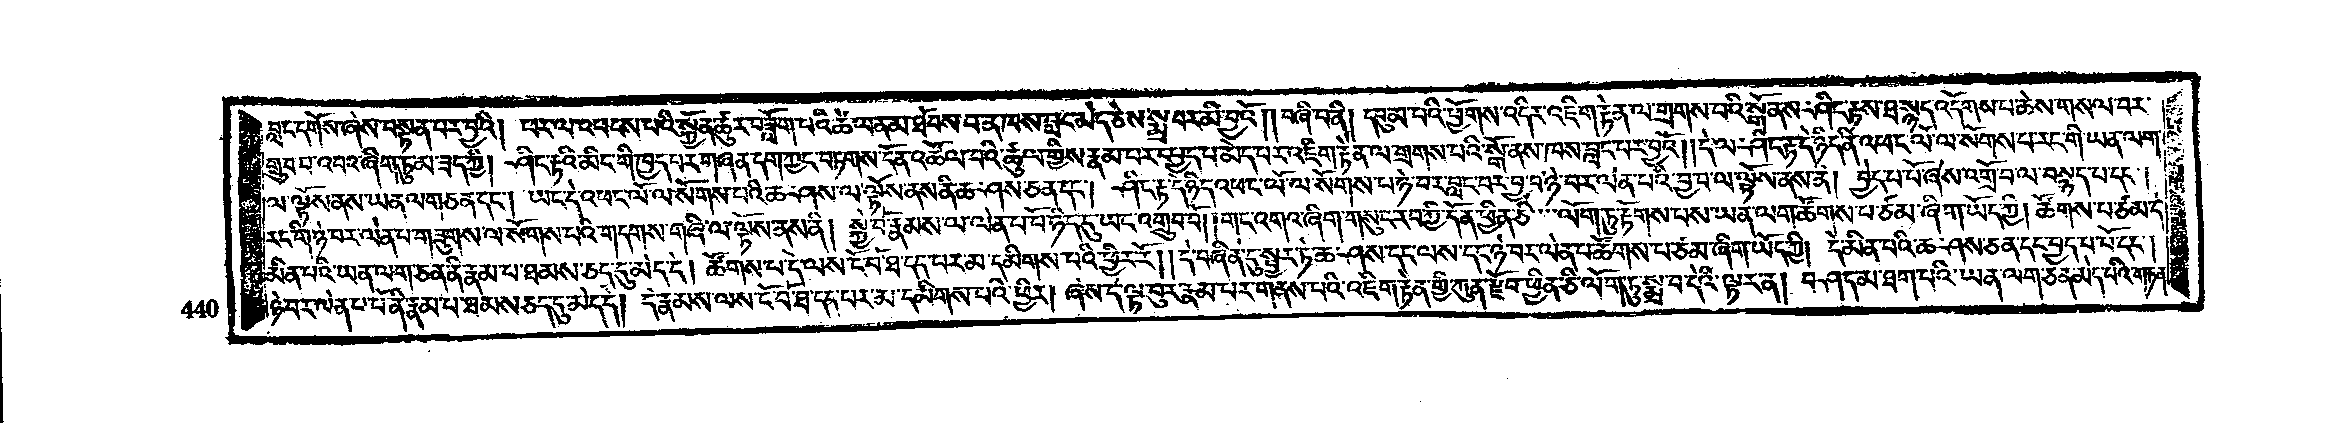བླང་དགོས་ཞེས་བསྟན་པར་བྱའི། ཕར་ལ་འཕངས་པའི་སྐྱོན་ཚུར་བཟློག་པའི་ཚེ་ལན་མ་ཐེབས་པ་ན་ཁས་བླང་མེད་ཅེས་སྨྲ་བར་མི་བྱའོ། །བཞི་པ་ནི། དབུ་མ་པའི་ཕྱོགས་འདིར་འཇིག་རྟེན་ལ་གྲགས་པའི་སྒོ་ནས་ཤིང་རྟས་ཐ་སྙད་འདོགས་པ་ཆེས་གསལ་བར་
གྲུབ་པ་འབའ་ཞིག་ཏུ་མ་ཟད་ཀྱི། ཤིང་རྟའི་མིང་གི་ཁྱད་པར་གཞན་དག་ཀྱང་བཏགས་དོན་འཚོལ་བའི་ཚུལ་གྱིས་རྣམ་པར་དཔྱད་པ་མེད་པར་འཇིག་རྟེན་ལ་གྲགས་པའི་སྒོ་ནས་ཁས་བླང་པར་བྱའོ། །དེ་ལ་ཤིང་རྟ་དེ་ཉིད་ནི་འཕང་ལོ་ལ་སོགས་པ་རང་གི་ཡན་ལག་
ལ་ལྟོས་ནས་ཡན་ལག་ཅན་དང་། ཡང་དེ་འཕང་ལོ་ལ་སོགས་པའི་ཆ་ཤས་ལ་ལྟོས་ནས་ནི་ཆ་ཤས་ཅན་དང་། ཤིང་རྟ་དེ་ཉིད་འཕང་ལོ་ལ་སོགས་པ་ཉེ་བར་བླང་བར་བྱ་བ་ཉེ་བར་ལེན་པའི་བྱ་བ་ལ་ལྟོས་ནས་ནི། བྱེད་པ་པོ་ཞེས་འགྲོ་བ་ལ་བསྙད་པ་དང་།
རང་གི་ཉེ་བར་ལེན་པ་གཟུགས་ལ་སོགས་པའི་གདགས་གཞི་ལ་ལྟོས་ནས་ནི། སྐྱེ་བོ་རྣམས་ལ་ལེན་པ་པོ་ཉིད་དུ་ཡང་འགྲུབ་བོ། །གང་འགའ་ཞིག་གསུང་རབ་ཀྱི་དོན་ཕྱིན་ཅི་ལོག་ཏུ་རྟོགས་པས་ཡན་ལག་ཚོགས་པ་ཙམ་ཞིག་ཡོད་ཀྱི། ཚོགས་པ་ཙམ་དེ་
མིན་པའི་ཡན་ལག་ཅན་ནི་རྣམ་པ་ཐམས་ཅད་དུ་མེད་དེ། ཚོགས་པ་དེ་ལས་ངོ་བོ་ཐ་དད་པར་མ་དམིགས་པའི་ཕྱིར་རོ། །དེ་བཞིན་དུ་སྦྱར་ཏེ་ཆ་ཤས་དང་ལས་དང་ཉེ་བར་ལེན་པ་ཚོགས་པ་ཙམ་ཞིག་ཡོད་ཀྱི། དེ་མིན་པའི་ཆ་ཤས་ཅན་དང་བྱེད་པ་པོ་དང་།
ཉེ་བར་ལེན་པ་པོ་ནི་རྣམ་པ་ཐམས་ཅད་དུ་མེད་དེ། དེ་རྣམས་ལས་ངོ་བོ་ཐ་དད་པར་མ་དམིགས་པའི་ཕྱིར། ཞེས་དེ་ལྟ་བུར་རྣམ་པར་གནས་པའི་འཇིག་རྟེན་གྱི་ཀུན་རྫོབ་ཕྱིན་ཅི་ལོག་ཏུ་སྨྲ་བ་དེའི་ལྟར་ན། བཤད་མ་ཐག་པའི་ཡན་ལག་ཅན་མེད་པའི་གཏན་